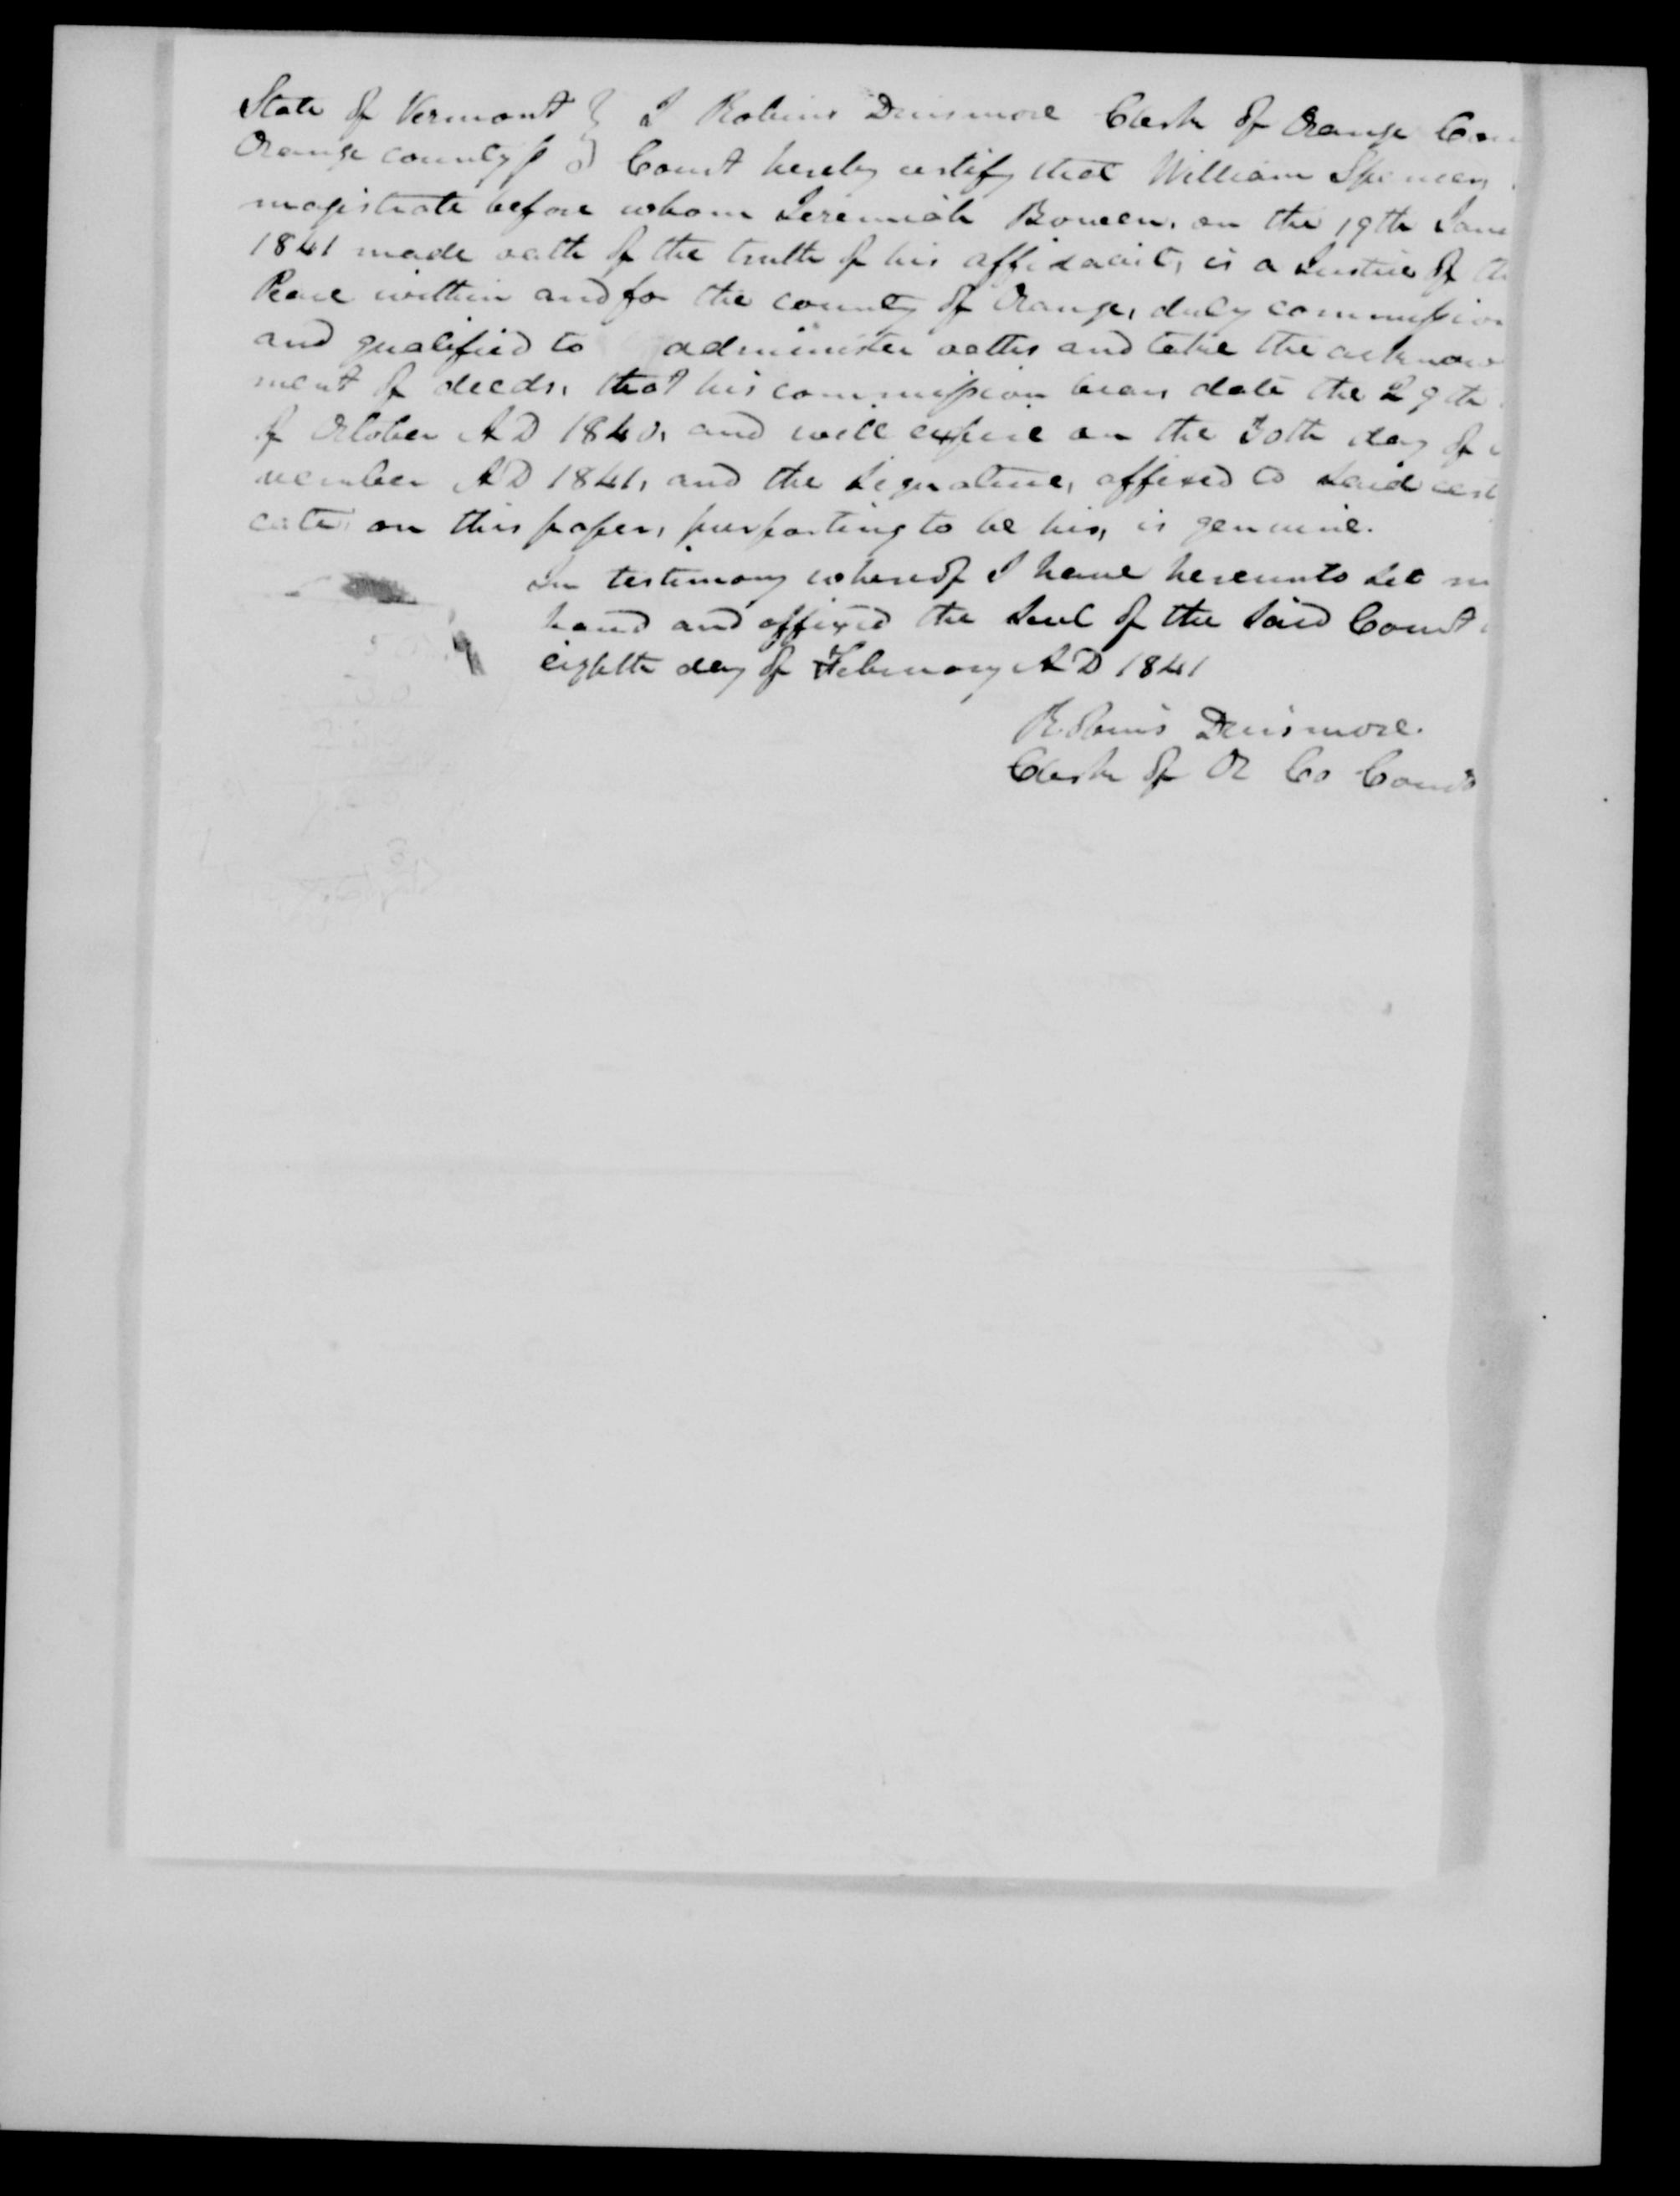State of Vermont ⎬ I Robert Densmore Clerk of Orange Co
Orange County SS    Court hereby certify that William Spencer
magistrate before whom Jeremiah Bowen, on the 19th Jany
1841 made oath of the truth of his affidavit, is a Justice of the
Peace within and for the County of Orange, duly commission
and qualified to administer oaths and take the acknowment
of deeds that his commission bears date the 29th
of October AD 1840, and will expire on the 30th day of
November AD 1841, and the signature affixed to said
certificate on this paper, purporting to be his, is genuine.
In testimony whereof I have hereunto set in
hand and affixed the seal of the said Court
eighth day of February AD 1841
Robins Densmore
Clerk of Or Co Court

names: Robins Dunmore; Jeremiah Bowen; William Spencer; Robins Dunmore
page: 23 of 46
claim: widow's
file: W. 24976, for Daniel Skinner, New Hampshire